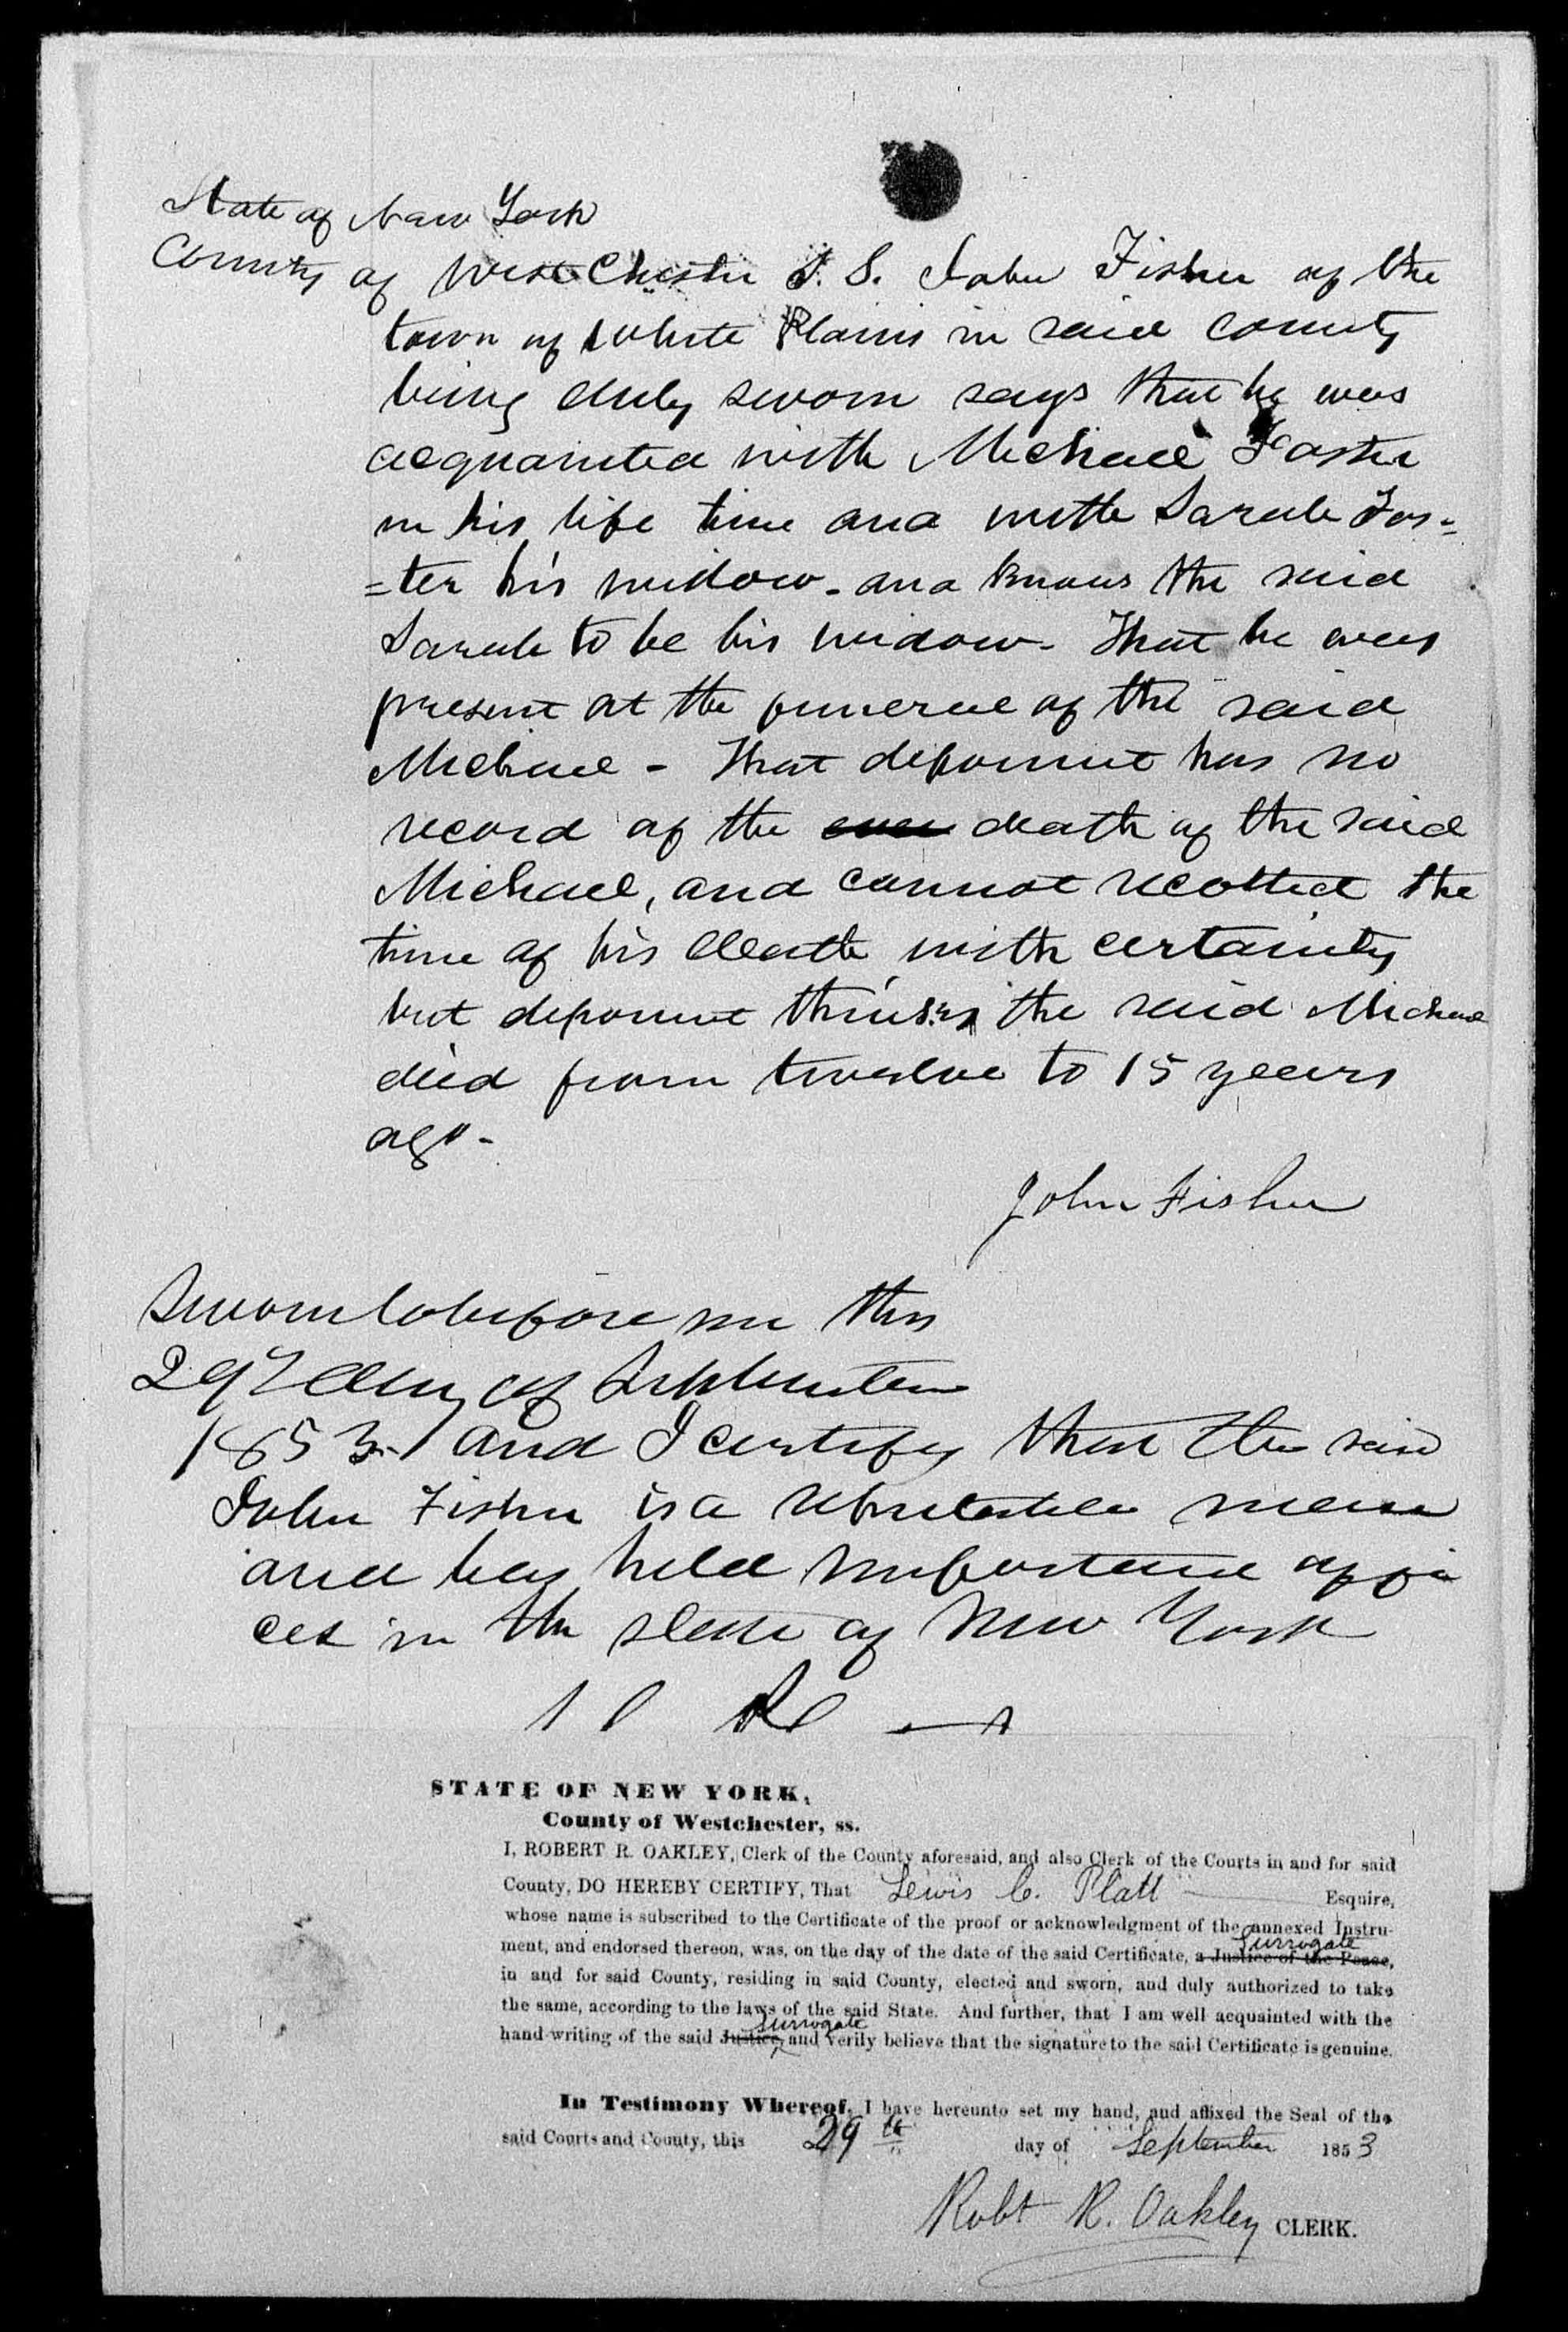State of New York
County of Westchester SS John Fisher of the town of White Plains in the said County being duly sworn says that he was acquainted with Michael Foster in his life time and with Sarah Foster his widow-and knows the said Sarah to be his widow-That he was present at the funeral of the said Michael-That deponent has no record of the death of the said Michael, and cannot recollect the time of his death with certainty but deponent thinks the said Michael died from twelve to 15 years ago.
John Fisher

Sworn to before me this 29th day of September 1853 and I certify that the said John Fisher is a respectable witness and has held respectable offices in the state of New York

Lewis C. Platt, Esquire
(signature partially covered with another paper)

STATE OF NEW YORK, 
County of Westchester, SS 
I, Robert R. Oakley, Clerk of the County aforesaid, and also Clerk of the Courts in and for said County, DO HEREBY CERTIFY, That Lewis C. Platt Esquire, whose name is subscribed to the certificate of the proof or acknowledgement of the annexed Instrument, and enforced thereon, was, on the day of then date of the said Certificate, a Surrogate, in and for said County, residing in said County, elected and sworn, and duly authorized to take the same, according to the laws of the said State. And further, that I am well acquainted with the hand writing of the said Surrogate, and verily believe that the signature to the said Certificate is genuine.  
In Testimony Whereof, I have hereunto set my hand, and affixed the Seal of the said Courts and County, this 29th day of September 1853 Robert R. Oakley Clerk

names: Michael, Sarah Foster, John Fisher, Ana Knaus, Lewis C Platt, Michael Foster, Michael, John Fisher, Robert R Oakley, Robt R Oakley, John Fisher, Michael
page: 31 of 57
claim: widow's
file: W. 5275 1/2, Michael Foster, Penn.